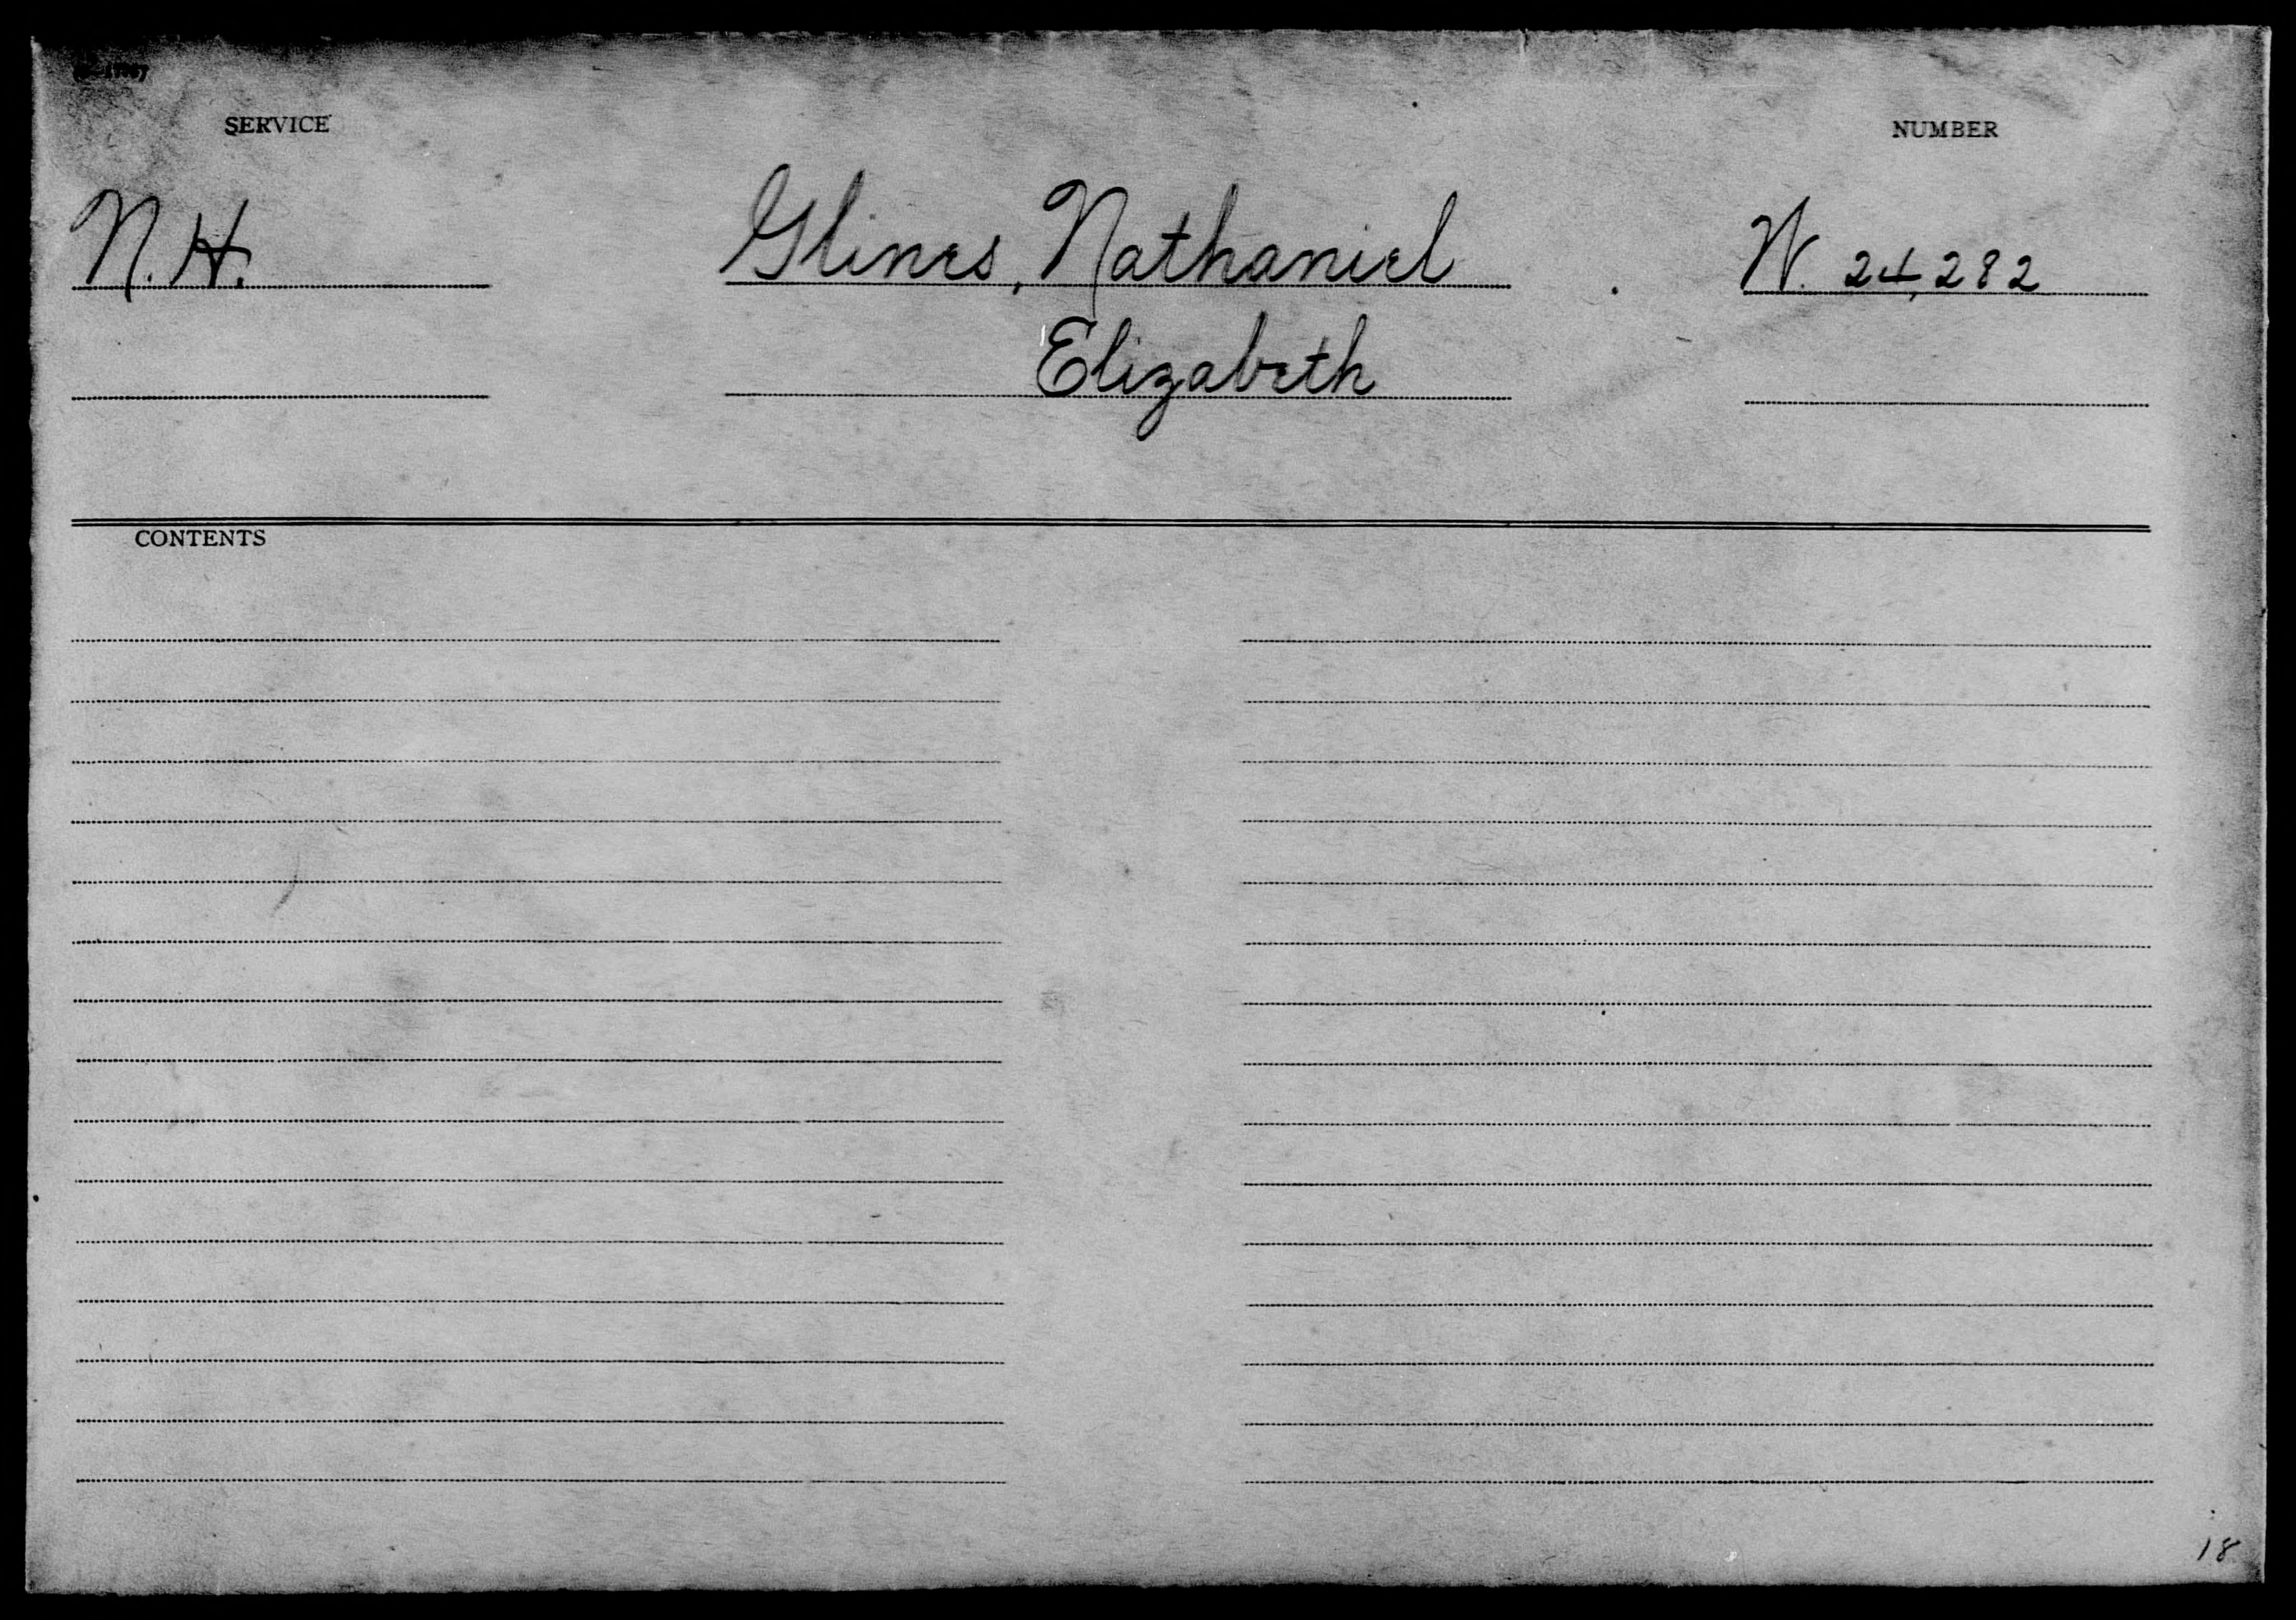(3-1776)

SERVICE
N.H.

Glines, Nathaniel
...............Elizabeth

NUMBER
W. 24,282

CONTENTS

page: 1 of 29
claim: widow's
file: W. 24,282, Nathaniel Glines, N.H.